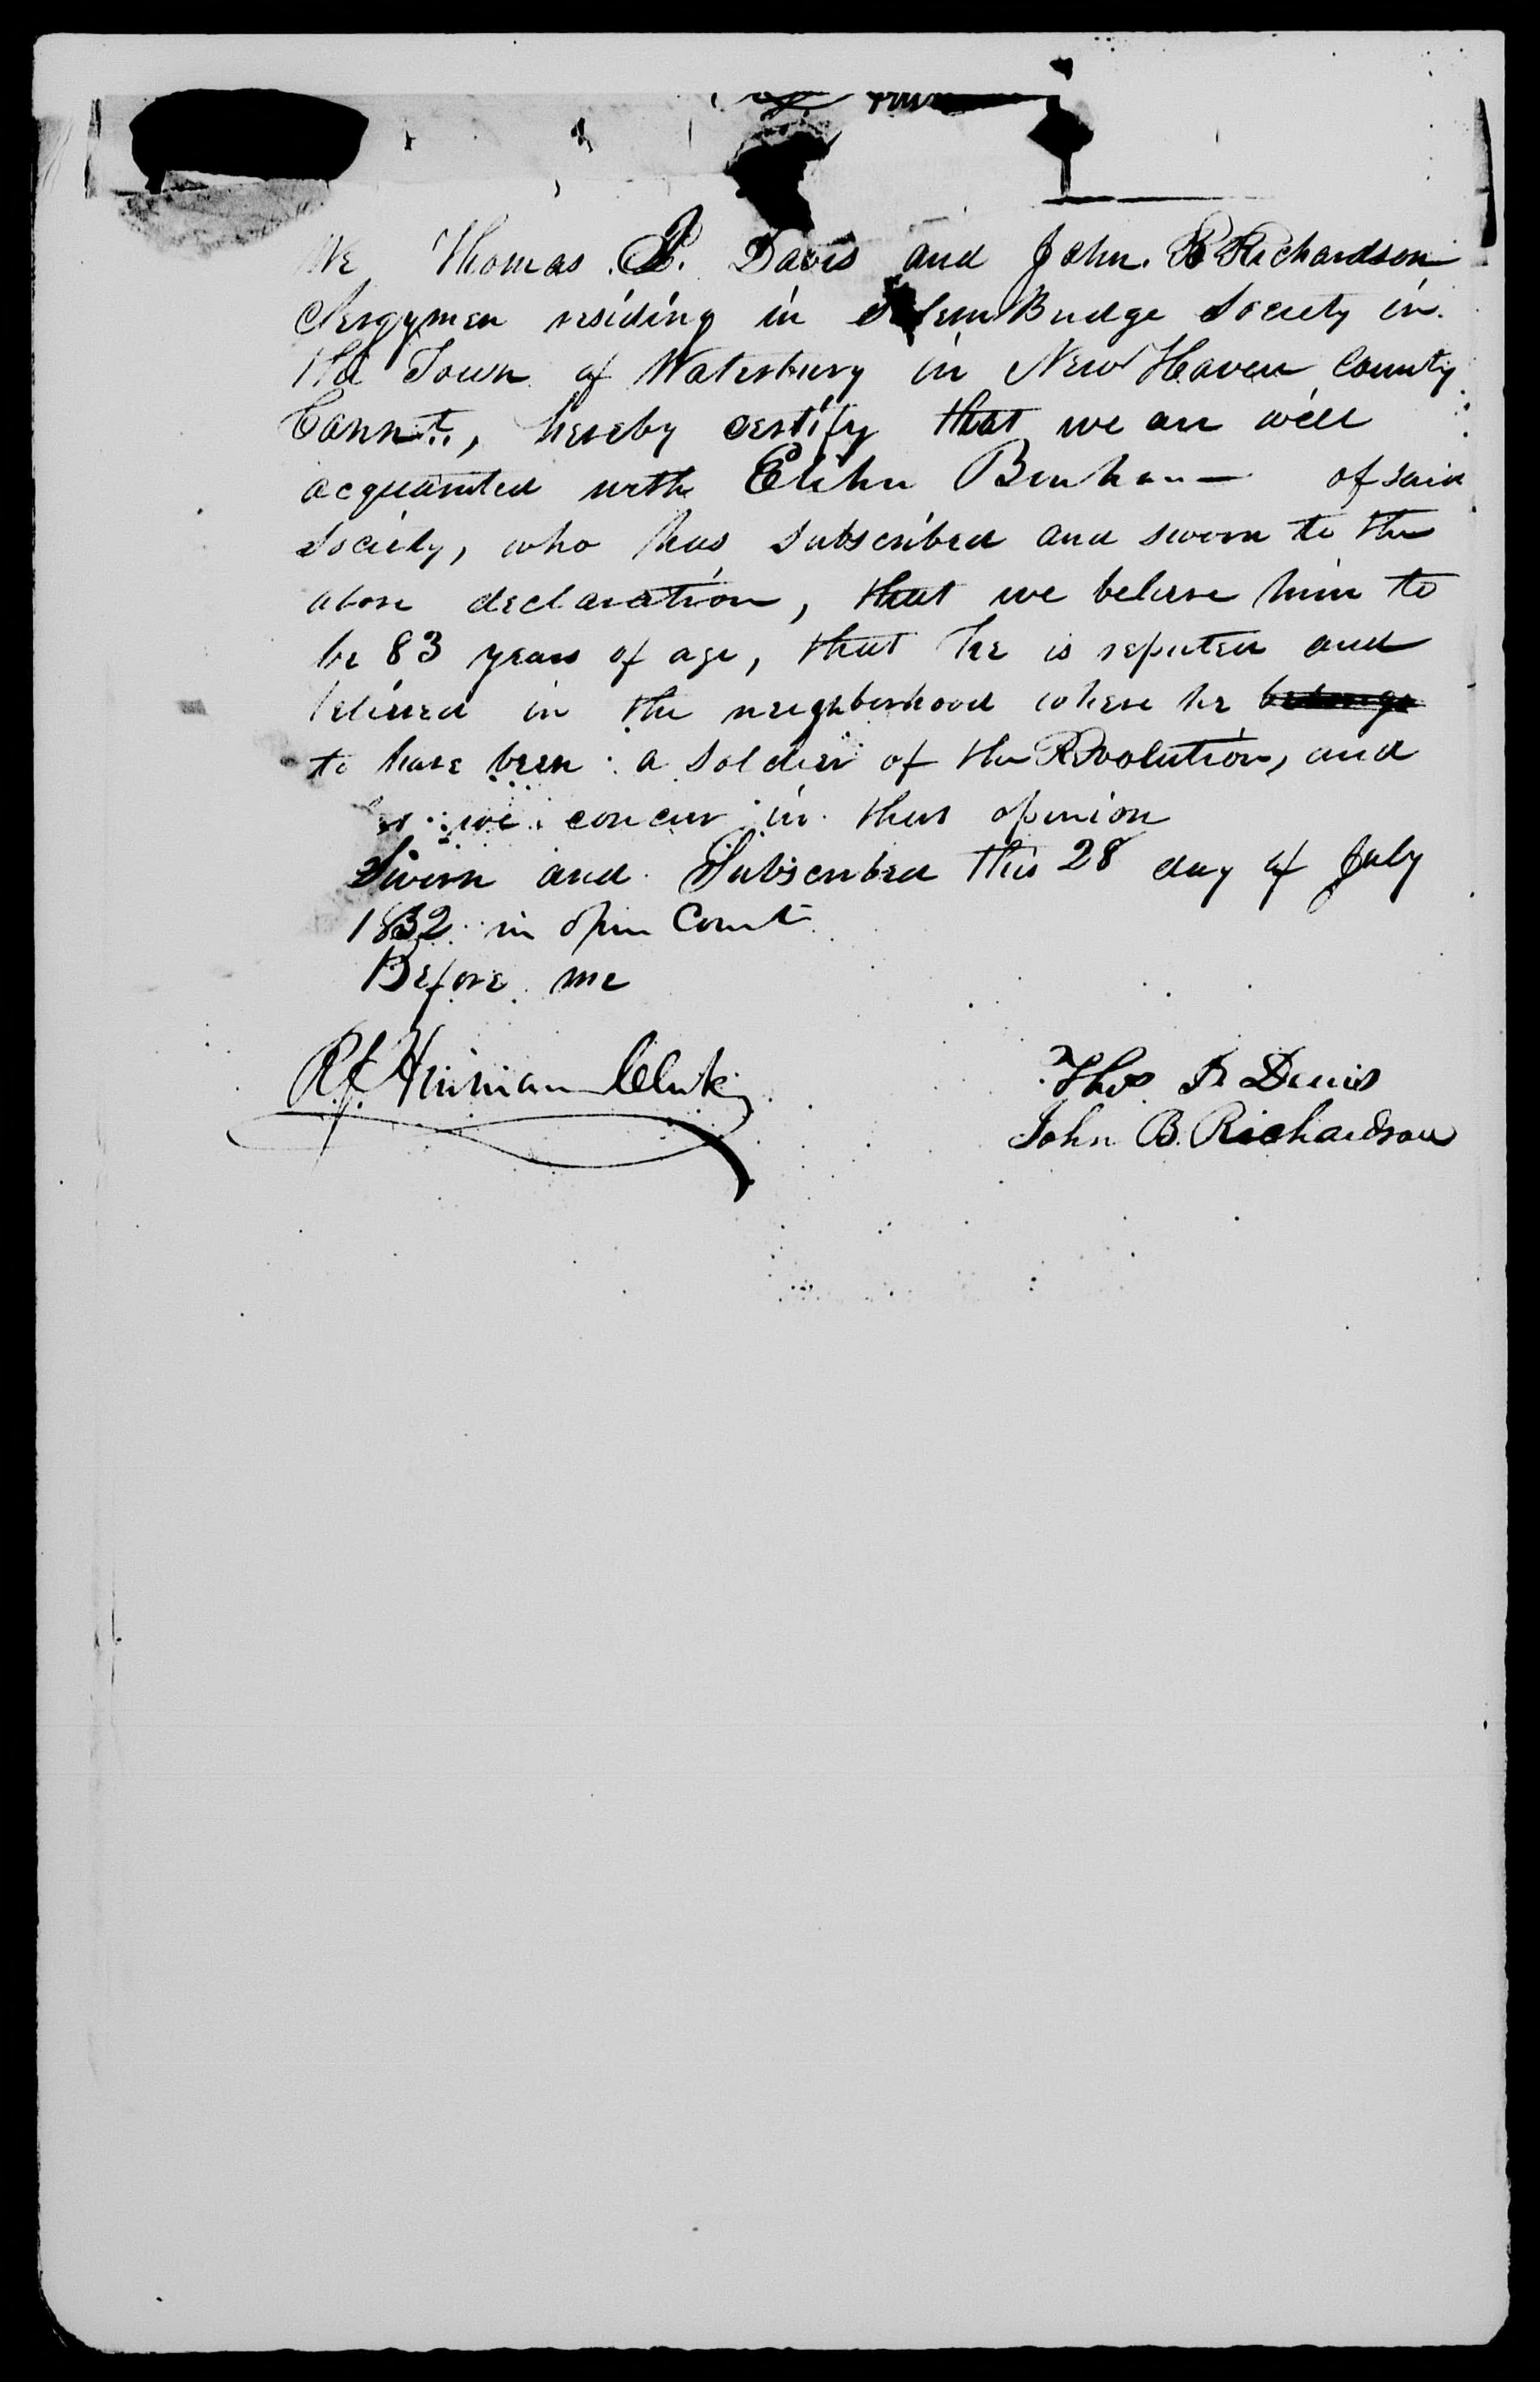We Thomas J. Davis and John B Richardson Clergyman residing in Salem Bridge Society in the Town of Waterbury in New Haven County Connect., hereby certify that we are well acquainted with Elihu Benham of said society, who has subscribed and sworn to the above declaration, that we believe him to be 83 years of age, that he is reputed and believed in the neighborhood where he belongs to have been a soldier of the Revolution, and we concur in this opinion 
Sworn and Subscribed this 28 day of July 1832 in open Court Before me 
R.S. Hinman Clerk 
Thos J. Davis
 John B. Richardson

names: John B Richardson, Thomas I Davis, R S Hinman, Elihu Benham, Thos I Davis, John B Richardson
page: 11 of 45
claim: survivor's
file: S. 15748, Elihu Benham, Conn.